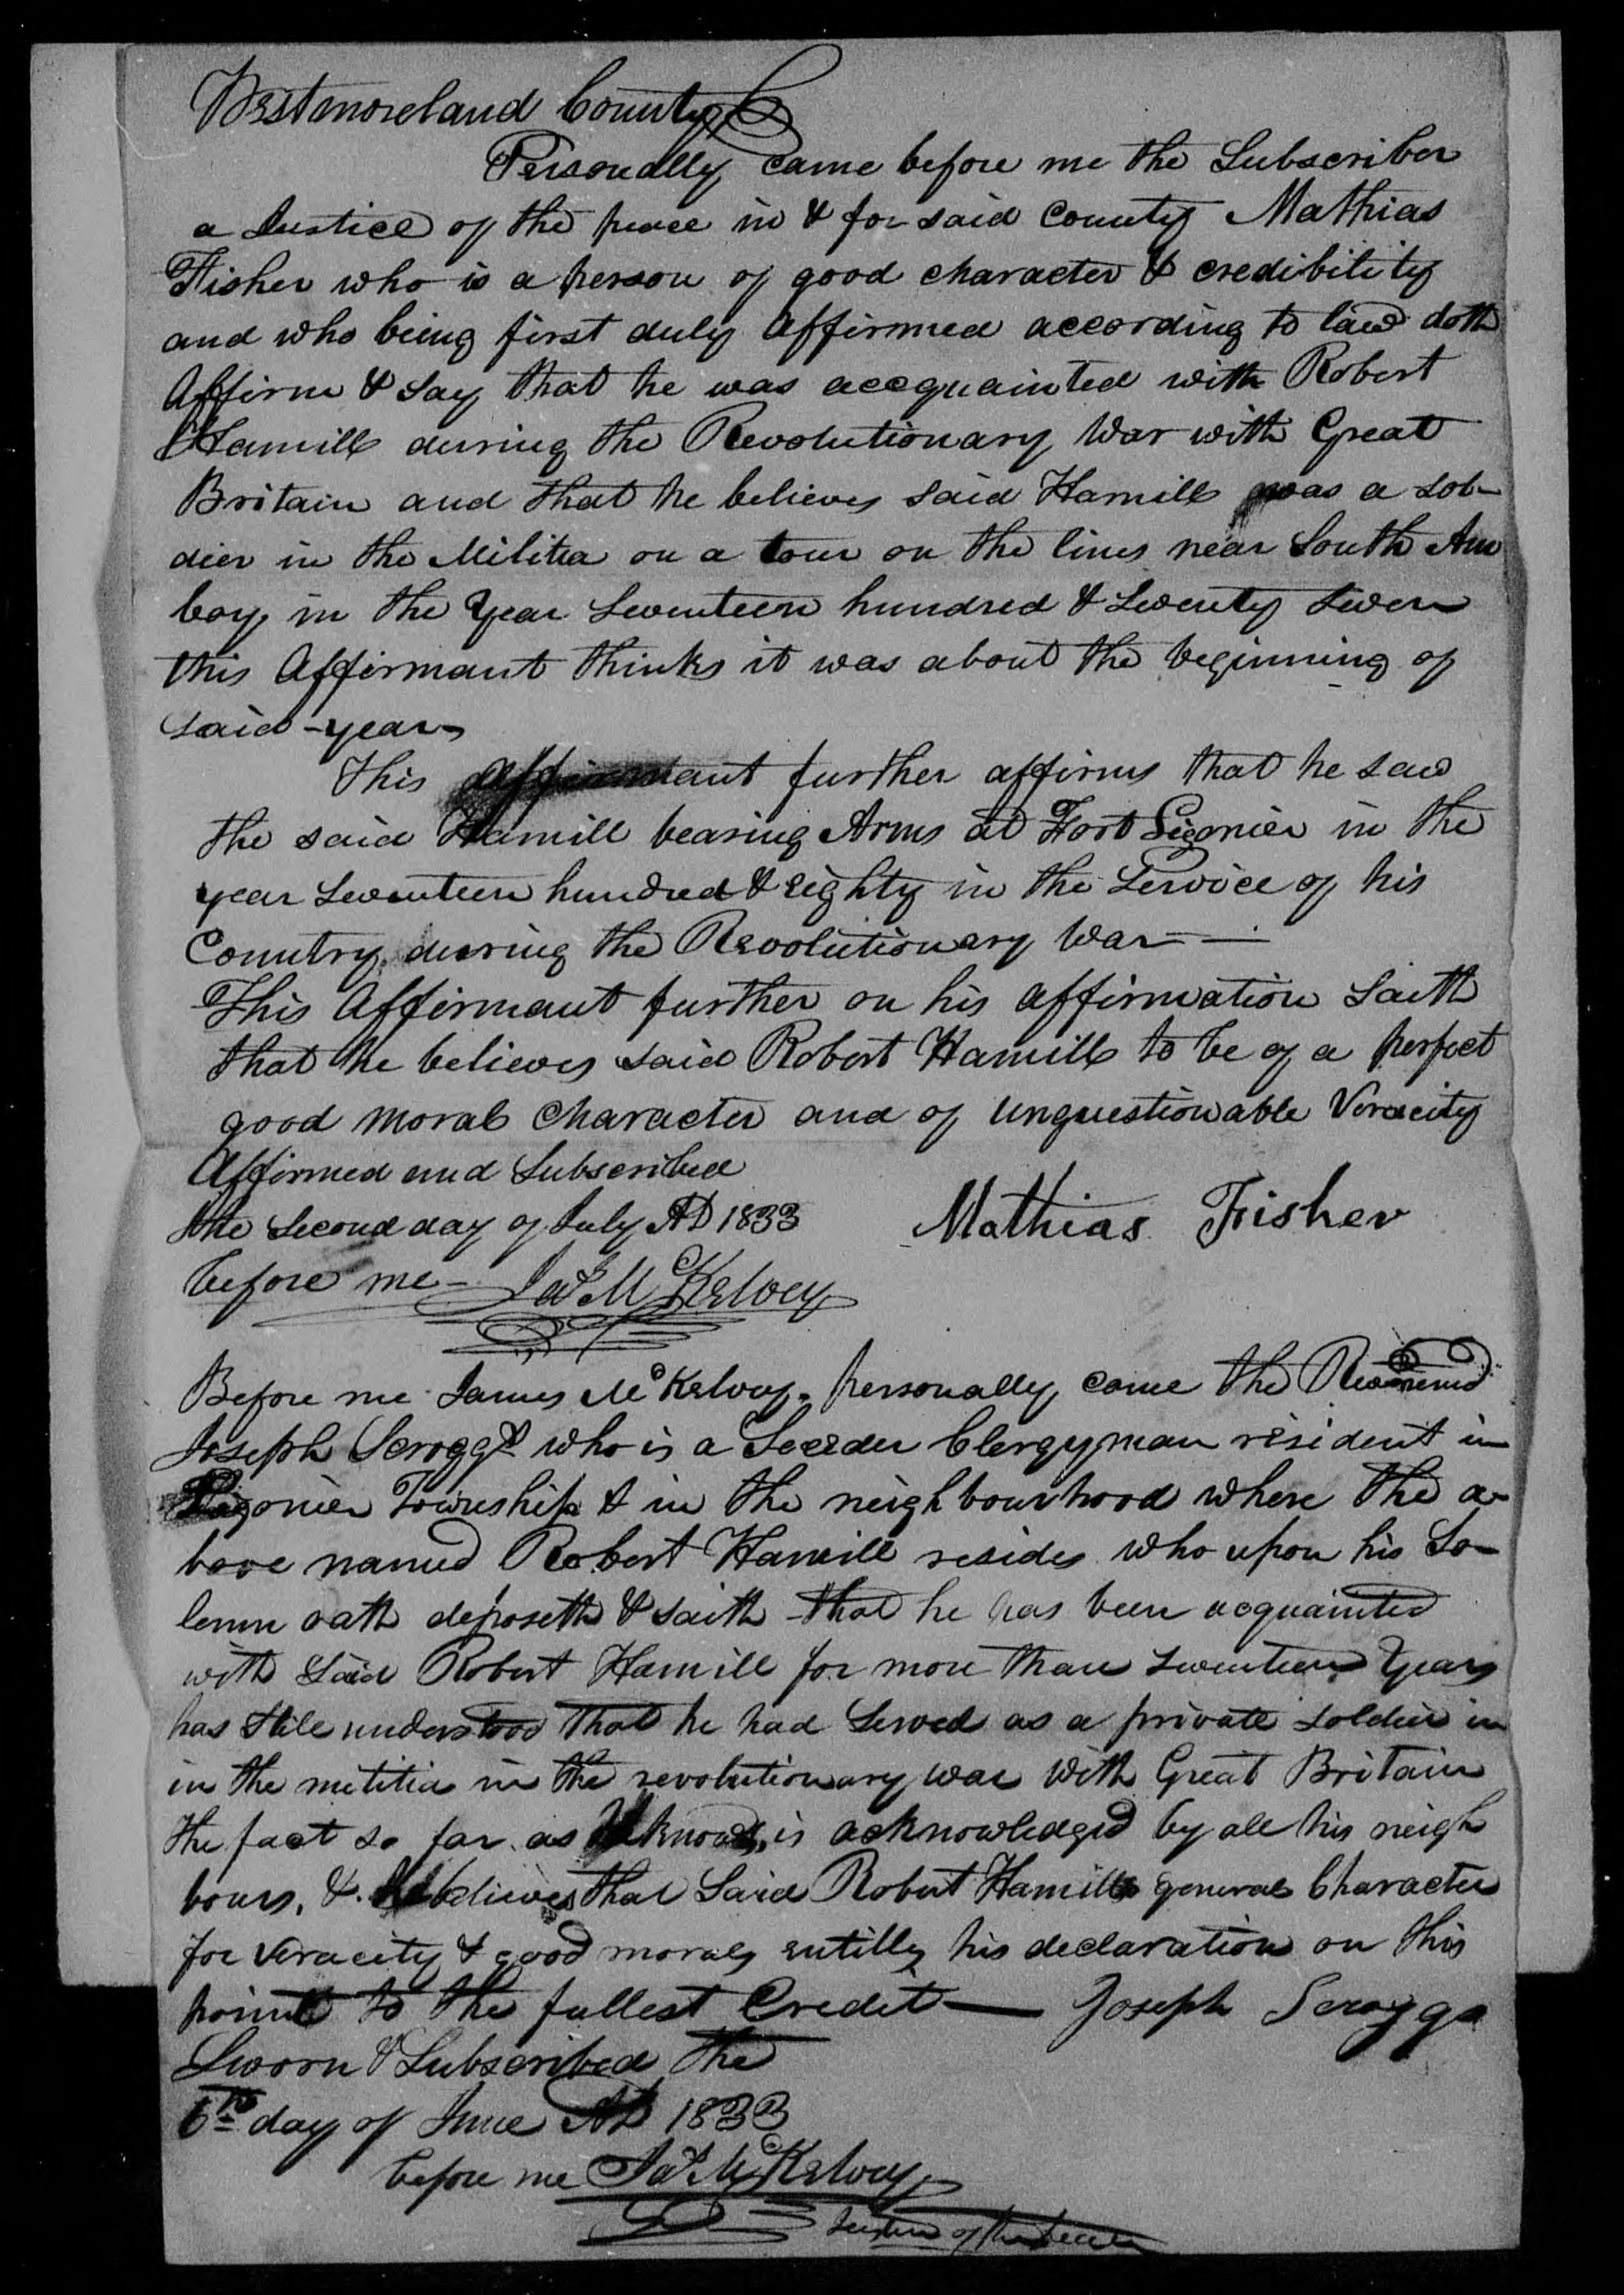Westmoreland County
Personally came before me the Subscriber
a Justice of the peace in & for said County Mathias
Fisher who is a person of good character & credibility
and who being first duly affirmed according to law doth
Affirm & say that he was acquainted with Robert
Hamill during the Revolutionary War with Great Britain
and that he believes said Hamill was a soldier in the Militia on a tour on the lines near South Auobay in the year Seventeen hundred & Seventy Seven this affirmant thinks it was about the beginning of
said year
This affirmant further affirms that he saw
the said Hamill bearing arms at Fort Ligonier in the
year Seventeen hundred & Eighty in the service of his
Country during the Revolutionary War-
This affirmant further on his affirmation saith
that he believes said Robert Hamill to be of a perfect
good moral character and of unquestionable veracity
Affirmed and subscribed
the second day of July AD 1833    Mathias Fisher
before me Jas. McKelvey
Before me - James McKelvey, personally came the Reverend
Joseph Seroggt who is a [illegible] Clergyman resident in
Legonier Township & in the neighbourhood where the
above named Robert Hamill resides who upon his solemn oath deposeth & saith that he has been acquainted with
said Robert Hamill for more than seventeen years
has still understood that he had served as a private soldier in
in the militia in the revolutionary war with Great Britain
The fact so far as knows, is acknowledged by all his neighbours, & he believes that said Robert Hamills General Character
for veracity & good moral [illegible] his declaration on this
point to the fullest credit-- Joseph Scraggs
Sworn & Subscribed the
6th day of June AD 1833
before me Jas. McKelvey
Justice of the Peace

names: Jas Mc Kelvey, Mathias Fisher, Joseph Scroggs, Robert Hamill, Robert Hamill, Mathias Fisher, Joseph Scroggs, Hamill, Jas Mc Kelvey, Robert Hamill, Hamill, Robert Hamill, James Mc Kelvey, Robert Hamill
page: 85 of 92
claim: widow's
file: W 1173, Robert Hamill, Penn.